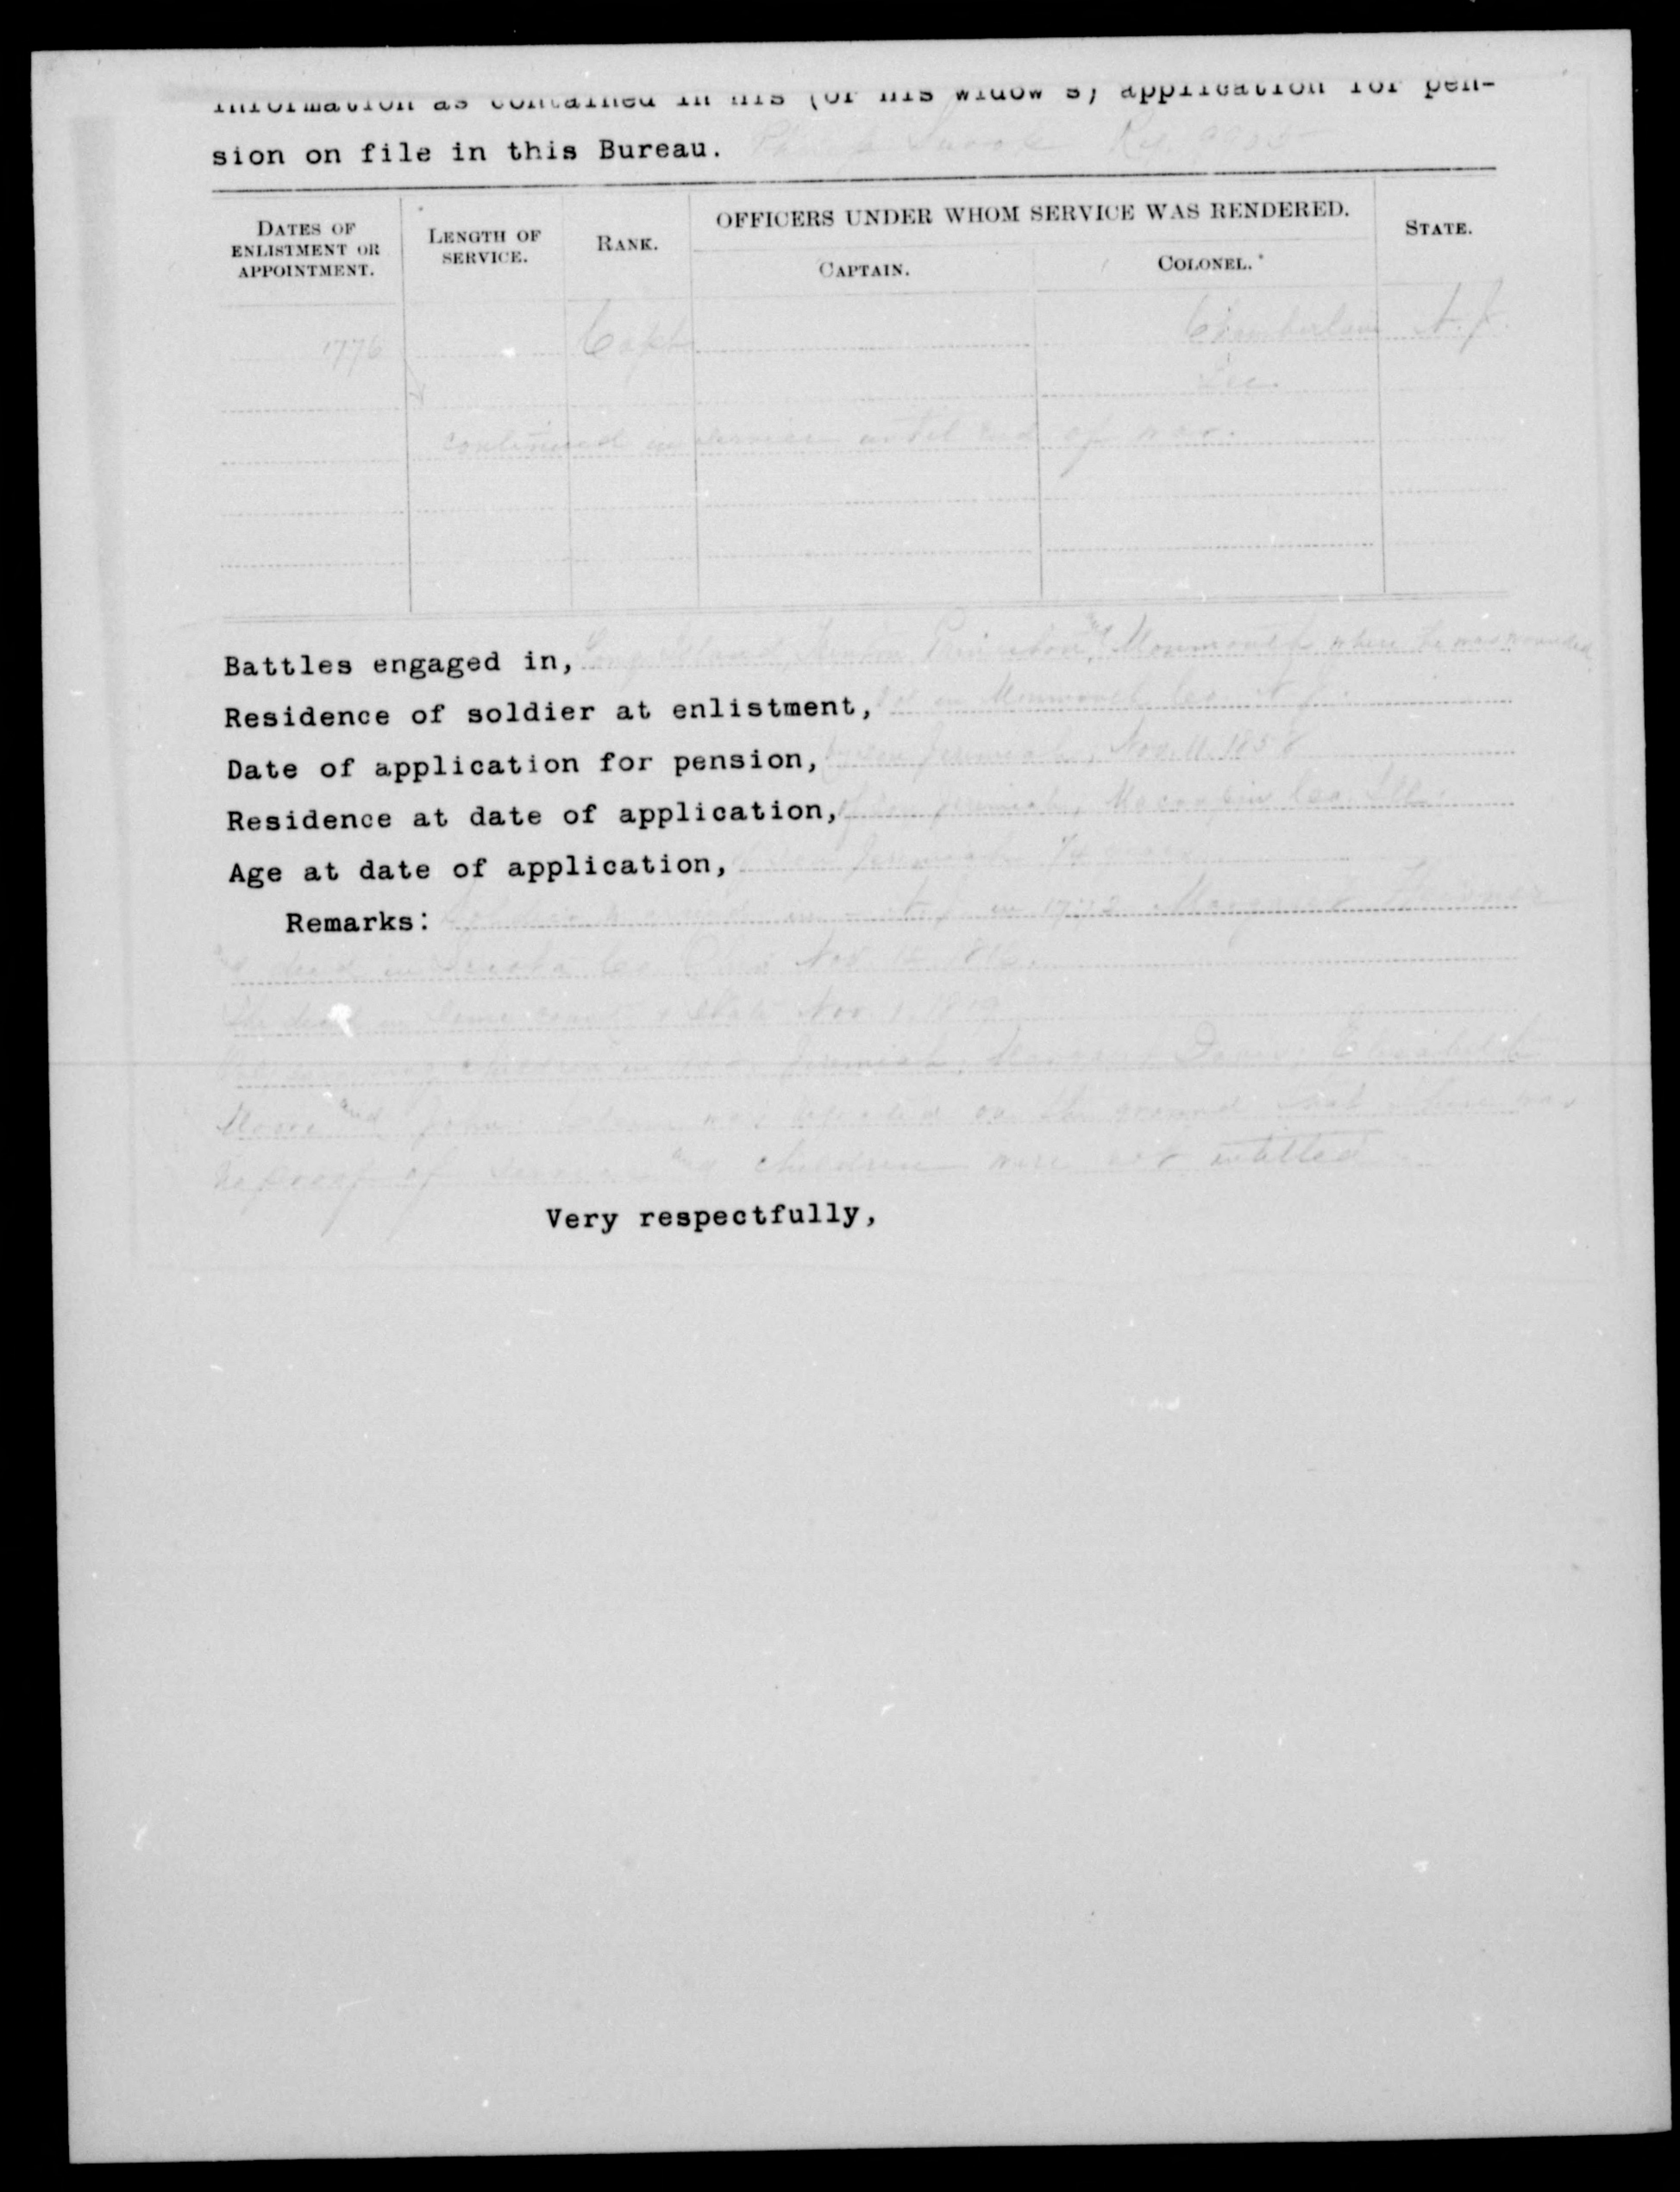[top cut off]
information as contained in his (or his widow's) application for pension on file in this Bureau.
---------------------------------
[table with 5 columns follows, with the following column headings:]
(1) DATES OF ENLISTMENT OR APPOINTMENT.
(2) LENGTH OF SERVICE.
(3) RANK.
(4) OFFICERS UNDER WHOM SERVICE WAS RENDERED.   {subheadings:} a. CAPTAIN. 
b. COLONEL
(5) STATE.

[text under column headings:]
(1) 1776
(2) [written across all remaining columns:] continued in service until end of war.
(3) Capt.
(4) a. [blank]. b. Chamberlain
(5) N.J.

Battles engaged in,__Long Island, Trenton, Princeton, Monmouth where he was wounded__

Residence of soldier at enlistment,__in Monmouth Co. N.J.___

Date of application for pension,__by son Jeremiah Snook, Nov. 11, 1858__

Residence at date of application,__of son Jeremiah, Macombie Co Ill.___

Age at date of application,__of son Jeremiah, 74 years__

Remarks: __soldier married in N.J. in 1772,  Margaret Heivner, and died in Sciota Co. Ohio Nov 18, 1816.____
___She died in same county & state Nov. 1, 1819. _________
Only surviving children  [illegible] Jeremiah, Margaret Denny, Elisabeth Moore, and John. 
[illegible] on the ground not there was no proof of service and children were not entitled
Very respectfully,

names: E Snook; Frank M Snook; [BLANK] Chamberlin; Margaret M Finch; Philip Snook; [BLANK] Lee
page: 15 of 15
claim: rejected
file: R. 9,905, for Philip Snook, New Jersey